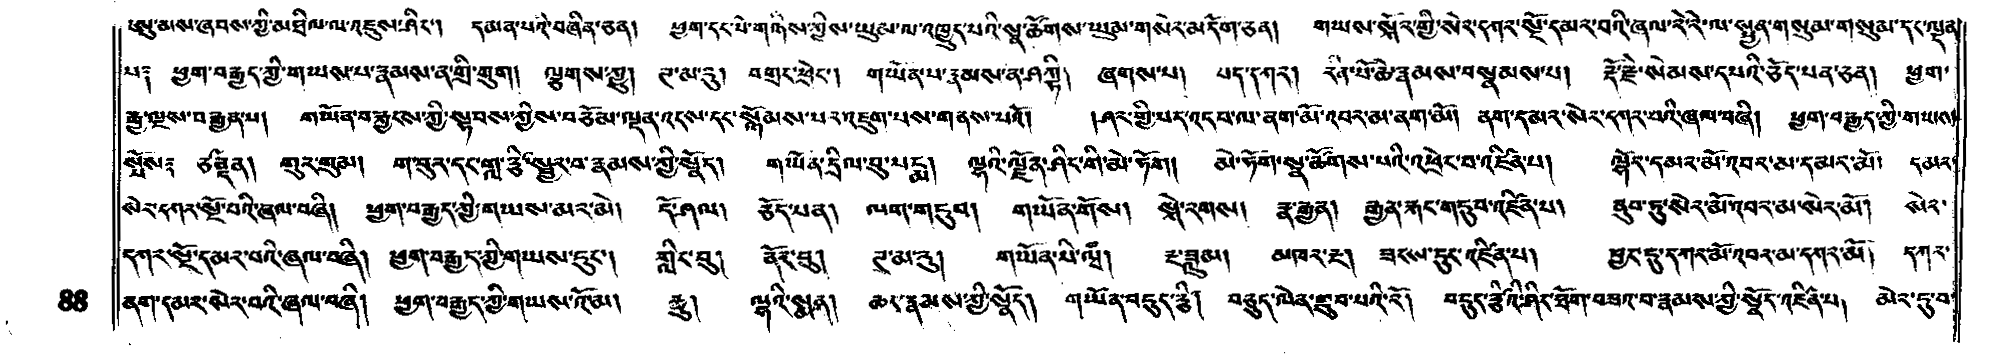ཨུ་མས་ཞབས་ཀྱི་མཐིལ་ལ་འཇུས་ཤིང་། དམན་པའི་བཞིན་ཅན། ཕྱག་དང་པོ་གཉིས་ཀྱིས་ཡུམ་ལ་འཁྱུད་པའི་སྣ་ཚོགས་ཡུམ་གསེར་མདོག་ཅན། གཡས་སྐོར་གྱི་སེར་དཀར་སྔོ་དམར་བའི་ཞལ་རེ་རེ་ལ་སྤྱན་གསུམ་གསུམ་དང་ལྡན་
པ༑ ཕྱག་བརྒྱད་ཀྱི་གཡས་པ་རྣམས་ན་གྲི་གུག། ལྕགས་ཀྱུ། ཊ་མ་རུ། བགྲང་ཕྲེང་། གཡོན་པ་རྣམས་ན་ཤཀྟི། ཞགས་པ། པད་དཀར། རིན་པོ་ཆེ་རྣམས་བསྣམས་པ། རྡོ་རྗེ་སེམས་དཔའི་ཅོད་པན་ཅན། ཕྱག་
རྒྱ་ལྔས་བརྒྱན་པ། གཡོན་བརྐྱངས་ཀྱི་སྟབས་ཀྱིས་བཅོམ་ལྡན་འདས་དང་སྙོམས་པར་འཇུག་པས་གནས་པའོ། །ཤར་གྱི་པད་འདབ་ལ་ལ་ནག་མོ་འབར་མ་ནག་མོ། ནག་དམར་སེར་དཀར་བའི་ཞལ་བཞི། ཕྱག་བརྒྱད་ཀྱི་གཡས་
སྤོས༑ ཙནྡན། གུར་གུམ། ག་བུར་དང་གླ་རྩི་སྦྱར་བ་རྣམས་ཀྱི་སྣོད། གཡོན་དྲིལ་བུ་པདམ། ལྷའི་ལྗོན་ཤིང་གི་མེ་ཏོག། མེ་ཏོག་སྣ་ཚོགས་པའི་འཕྲེང་བ་འཛིན་པ། ལྷོར་དམར་མོ་འབར་མ་དམར་མོ། དམར་
སེར་དཀར་སྔོ་བའི་ཞལ་བཞི། ཕྱག་བརྒྱད་ཀྱི་གཡས་མར་མེ། དོ་ཤལ། ཅོད་པན། ལག་གདུབ། གཡོན་གོས། སྐེ་རགས། རྣ་རྒྱན། རྒྱན་རྐང་གདུབ་འཛིན་པ། ནུབ་ཏུ་སེར་མོ་འབར་མ་སེར་མོ། སེར་
དཀར་སྔོ་དམར་བའི་ཞལ་བཞི། ཕྱག་བརྒྱད་ཀྱི་གཡས་དུང་། གླིང་བུ། ནོར་བུ། ཊ་མ་རུ། གཡོན་པི་ལྭཾ། རྔ་ཟླུམ། མཁར་རྔ། ཟངས་དུང་འཛིན་པ། བྱང་དུ་དཀར་མོ་འབར་མ་དཀར་མོ། དཀར་
ནག་དམར་སེར་བའི་ཞལ་བཞི། ཕྱག་བརྒྱད་ཀྱི་གཡས་འོ་མ། ཆུ། ལྷའི་སྨན། ཆང་རྣམས་ཀྱི་སྣོད། གཡོན་བདུད་རྩི། བཅུད་ལེན་གྲུབ་པའི་རོ། བདུད་རྩིའི་ཤིང་ཐོག་བཟའ་བ་རྣམས་ཀྱི་སྣོད་འཛིན་པ། མེར་ཏུ་བ་